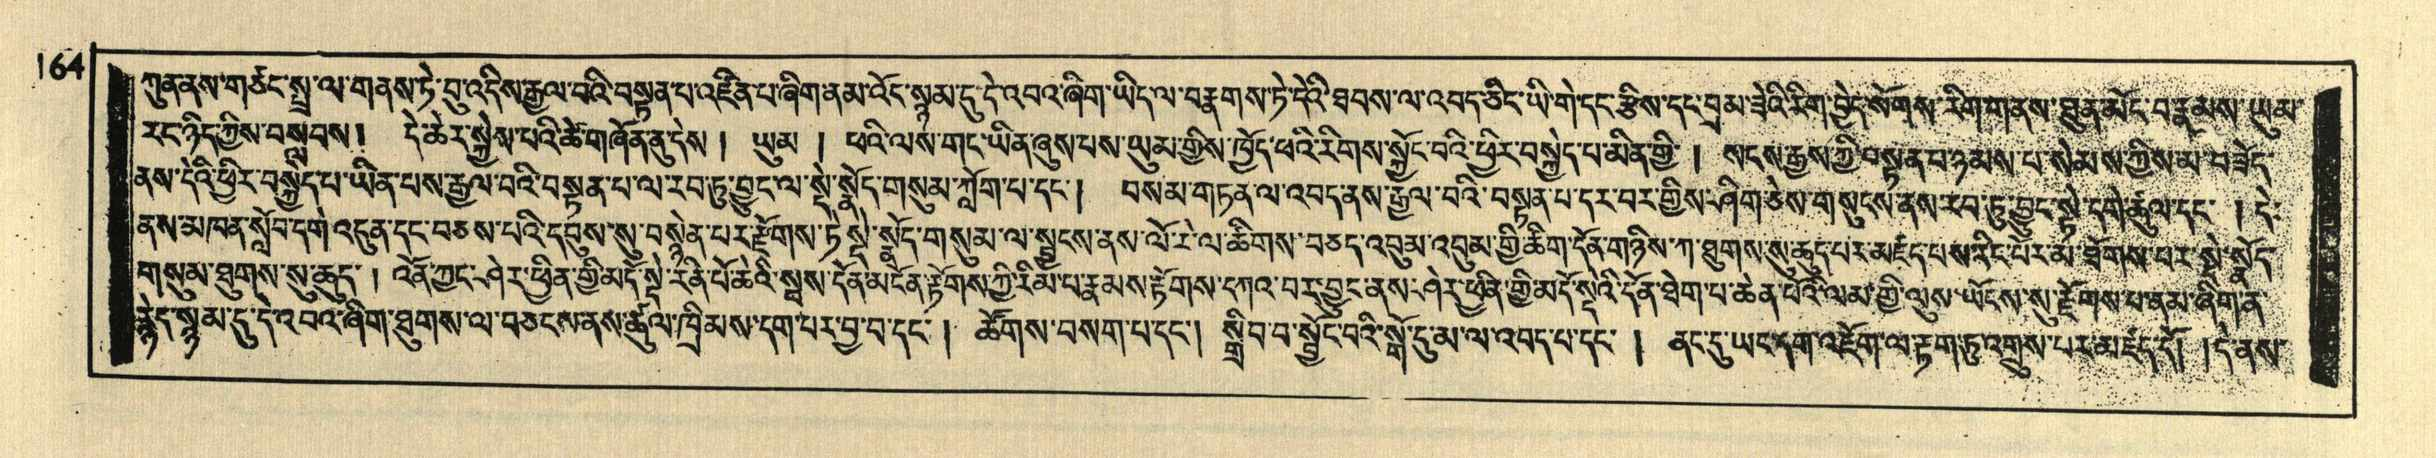ཀུན་ནས་གཙང་སྤྲ་ལ་གནས་ཏེ་བུ་འདིས་རྒྱལ་བའི་བསྟན་པ་འཛིན་པ་ཞིག་ནམ་འོང་སྙམ་དུ་དེ་འབའ་ཞིག་ཡིད་ལ་བརྣགས་ཏེ་དེའི་ཐབས་ལ་འབད་ཅིང་ཡི་གེ་དང་རྩིས་དང་བྲམ་ཟེའི་རིག་བྱེད་སོགས་རིག་གནས་ཐུན་མོང་བ་རྣམས་ཡུམ་
རང་ཉིད་ཀྱིས་བསླབས། དེ་ཆེར་སྐྱེས་པའི་ཚེ་གཞོན་ནུ་དེས། ཡུམ། ཕའི་ལས་གང་ཡིན་ཞུས་པས་ཡུམ་གྱིས་ཁྱོད་ཕའི་རིགས་སྐྱོང་བའི་ཕྱིར་བསྐྱེད་པ་མིན་གྱི། སངས་རྒྱས་ཀྱི་བསྟན་པ་ཉམས་པ་སེམས་ཀྱིས་མ་བཟོད་
ནས་དེའི་ཕྱིར་བསྐྱེད་པ་ཡིན་པས་རྒྱལ་བའི་བསྟན་པ་ལ་རབ་ཏུ་བྱུང་ལ་སྡེ་སྣོད་གསུམ་ཀློག་པ་དང་། བསམ་གཏན་ལ་འབད་ནས་རྒྱལ་བའི་བསྟན་པ་དར་བར་གྱིས་ཤིག་ཅེས་གསུངས་ནས་རབ་ཏུ་བྱུང་སྟེ་དགེ་ཚུལ་དང་།དེ་
ནས་མཁན་སློབ་དགེ་འདུན་དང་བཅས་པའི་དབུས་སུ་བསྙེན་པར་རྫོགས་ཏེ་སྡེ་སྣོད་གསུམ་ལ་སྦྱངས་ནས་ལོ་རེ་ལ་ཚིགས་བཅད་འབུམ་འབུམ་གྱི་ཚིག་དོན་གཉིས་ཀ་ཐུགས་སུ་ཆུད་པར་མཛད་པས་རིང་པོར་མ་ཐོགས་པར་སྡེ་སྣོད་
གསུམ་ཐུགས་སུ་ཆུད། འོན་ཀྱང་ཤེར་ཕྱིན་གྱི་མདོ་སྡེ་རིན་པོ་ཆེའི་སྦས་དོན་མངོན་རྟོགས་ཀྱི་རིམ་པ་རྣམས་རྟོགས་དཀའ་བར་བྱུང་ནས་ཤེར་ཕྱིན་གྱི་མདོ་སྡེའི་དོན་ཐེག་པ་ཆེན་ཕོའི་ལམ་གྱི་ལུས་ཡོངས་སུ་རྫོགས་པ་ནམ་ཞིག་ན་
རྙེད་སྙམ་དུ་དེ་འབའ་ཞིག་ཐུགས་ལ་བཅངས་ནས་ཚུལ་ཁྲིམས་དག་པར་བྱ་བ་དང་། ཚོགས་བསག་པ་དང་། སྒྲིབ་བ་སྦྱོང་བའི་སྒོ་དུ་མ་ལ་འབད་པ་དང་། ནང་དུ་ཡང་དག་འཇོག་ལ་རྟག་ཏུ་འགྲུས་པར་མཛད་དོ། །དེ་ནས་